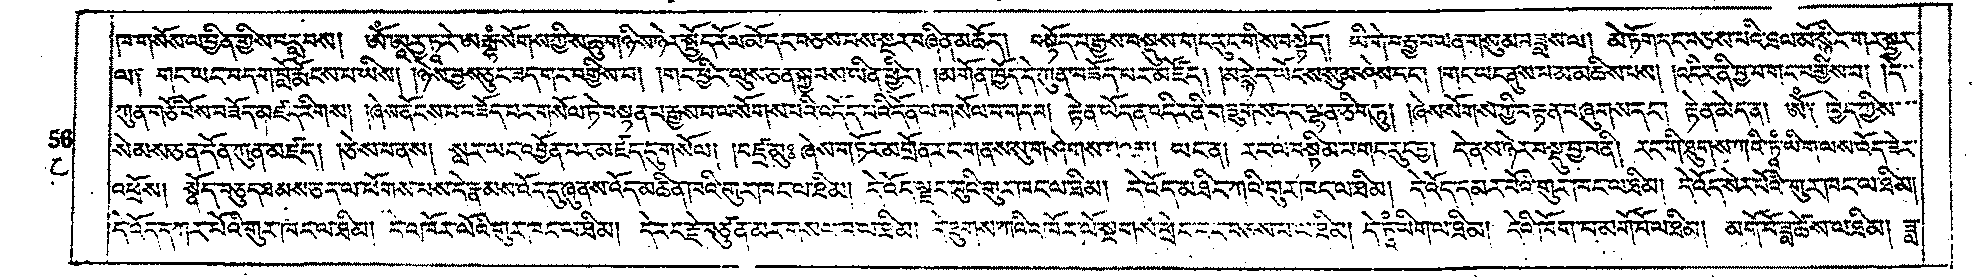ཁ་གསོས་ལ་བྱིན་གྱིས་བརླབས། ཨོཾ་ཨཱརྱ་ཏཱ་རེ་ཨརྒྷཾ་སོགས་ཀྱིས་ཆུ་གཉིས་ཉེར་སྤྱོད་རོལ་མོ་དང་བཅས་པས་སྔར་བཞིན་མཆོད། བསྟོད་པ་རྒྱས་བསྡུས་གང་རུང་གིས་བསྟོད། ཡི་གེ་བརྒྱ་པ་ལན་གསུམ་བཟླས་ལ། མེ་ཏོག་དང་བཅས་པའི་ཐལ་མོ་སྙིང་གར་སྦྱར་་་
ལ༑ གང་ཡང་བདག་བློ་རྨོངས་པ་ཡིས། །ཉེས་བྱས་ཅུང་ཟད་གང་བགྱིས་བ། །གང་ཕྱིར་ལུས་ཅན་སྐྱབས་ཡིན་ཕྱིར། །མགོན་ཁྱོད་དེ་ཀུན་བཟོད་པར་མཛོད། །མ་རྙེད་ཡོངས་སུ་མ་ཤེས་དང་། །གང་ཡང་ནུས་པ་མ་མཆིས་པས། །འདིར་ནི་བྱ་བ་གང་བགྱིས་པ། །དེ་་་
ཀུན་གཙོ་བོས་བཟོད་མཛད་རིགས། །ཞེས་ནོངས་པ་བཟོད་པར་གསོལ་ཏེ་བསྟན་པ་རྒྱས་པ་ལ་སོགས་པའི་འདོད་པའི་དོན་ལ་གསོལ་བ་གདབ། རྟེན་ཡོད་ན་འདིར་ནི་གཟུགས་དང་ལྷན་ཅིག་ཏུ། །ཞེས་སོགས་ཀྱི་བརྟན་བཞུགས་དང་། རྟེན་མེད་ན། ཨོཾ༑ ཁྱེད་ཀྱིས་་་
སེམས་ཅན་དོན་ཀུན་མཛད། །ཅེས་པ་ནས། སླར་ཡང་འབྱོན་པར་མཛད་དུ་གསོལ། །བཛྲ་མུཿ ཞེས་གཏོར་མགྲོན་རང་གནས་སུ་གཤེགས་པའམ། ཡང་ན། རང་ལ་བསྟིམ་པ་གང་རུང་བྱ། དེ་ནས་ཉེར་བསྡུ་བྱ་བ་ནི། རང་གི་ཐུགས་ཀའི་ཏཱཾ་ཡིག་ལས་འོད་ཟེར་
འཕྲོས། སྣོད་བཅུད་ཐམས་ཅད་ལ་ཕོགས་པས་དེ་རྣམས་འོད་དུ་ཞུ་ནས་འོད་མཆིན་ཁའི་གུར་ཁང་ལ་ཐིམ། དེ་འོད་ལྗང་ཁུའི་གུར་ཁང་ལ་ཐིམ། དེ་འོད་མཐིང་ཀའི་གུར་ཁང་ལ་ཐིམ། དེ་འོད་དམར་པོའི་གུར་ཁང་ལ་ཐིམ། དེ་འོད་སེར་པོའི་གུར་ཁང་ལ་ཐིམ།
དེ་འོད་དཀར་པོའི་གུར་ཁང་ལ་ཐིམ། དེ་འཁོར་ལོའི་གུར་ཁང་ལ་ཐིམ། དེ་རང་རྗེ་བཙུན་མར་གསལ་བ་ལ་ཐིམ། དེ་ཐུགས་ཀའི་འཁོར་ལོ་སྔགས་ཕྲེང་དང་བཅས་པ་ལ་ཐིམ། དེ་ཏཱཾ་ཡིག་ལ་ཐིམ། དེའི་ཁོག་པ་མགོ་བོ་ལ་ཐིམ། མགོ་བོ་ཟླ་ཚེས་ལ་ཐིམ། ཟླ་